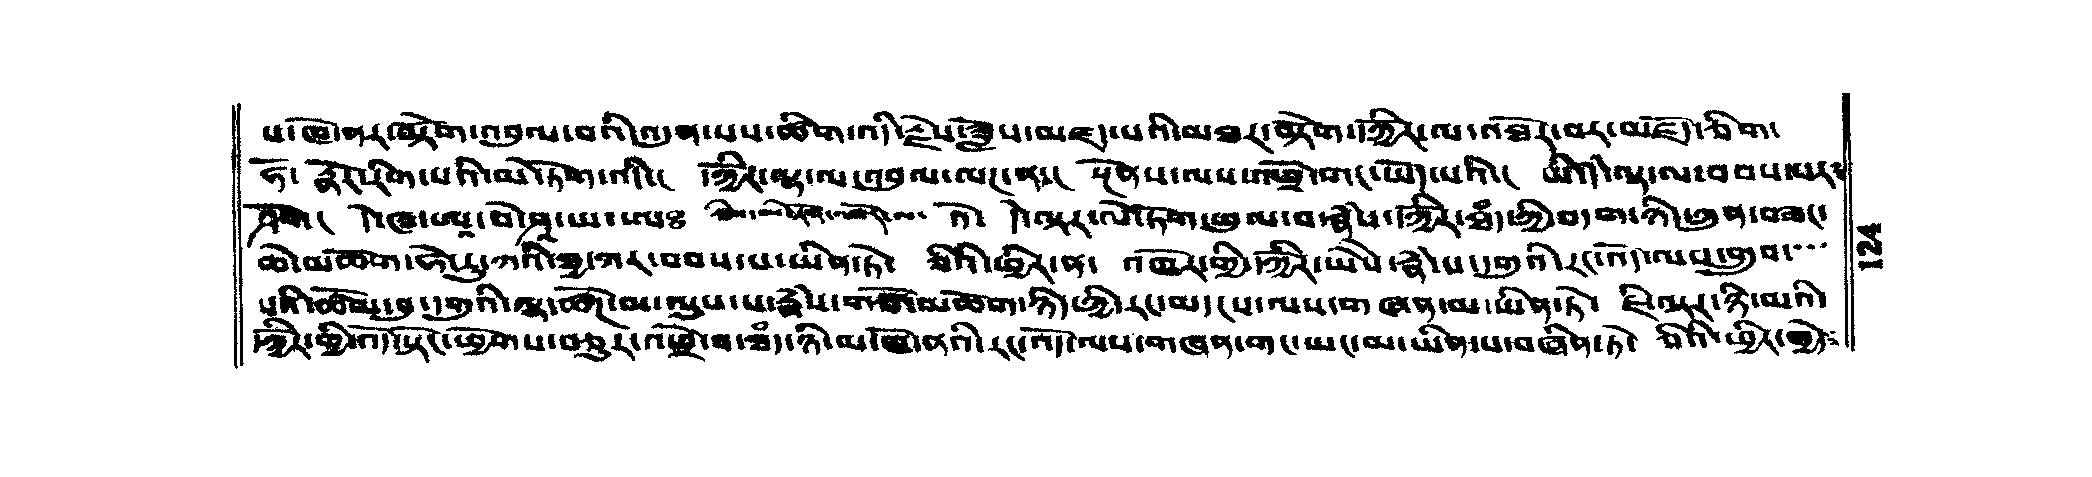པ་ཁོ་ནར་མེ་ཏོག་འབུལ་བའི་འདུན་པས་ཚིག་འདི་རྗེས་ཟློས་མཛད་པའི་མཐར་མེ་ཏོག་དཀྱིལ་འཁོར་ལ་འཐོར་བར་མཛོད་ཅིག 
ཧོ། རྣལ་འབྱོར་རིག་པའི་མེ་ཏོག་འདི། དཀྱིལ་འཁོར་ལྷ་ལ་འབུལ་ལགས་ན། སྔོན་ནས་ལས་འཕྲོ་གང་ཡོད་པའི། ཡི་དམ་ལྷ་ལ་བབས་པར་
ཤོག དེ་ཝ་ཨཱ་བེ་ཤཱ་ཡ་ཨཿ ཅེས་མེ་ཏོག་འཁོར་ལ། འོ། དེ་ལྟར་མེ་ཏོག་ཕུལ་བ་རྣམས་དཀྱིལ་འཁོར་ཐམས་ཅད་ཀྱི་བདག་ཉིད་ཀུན་བཟང་
ཆེ་མཆོག་ཧེ་རུ་ཀའི་ཐུགས་ཀར་བབས་པ་ཡིན་ཏེ། ཅིའི་ཕྱིར་ན། འཁོར་གྱི་དཀྱིལ་འཁོར་ཡེ་ཤེས་རྣམ་པ་དགུའི་རང་འོད་ལས་གྲུབ་
པའི་ཚོམ་བུ་དགུའི་ལྷ་ཚོགས་མ་ལུས་པ་རྣམས་གཙོ་མཆོག་ཉིད་ཀྱི་རང་མདངས་ལས་གཞན་མ་ཡིན་ཏེ། ཇི་ལྟར་ཉི་མའི་
དཀྱྀལ་འཁོར་གྱི་འོད་སྟོང་ཕྱོགས་བཅུར་འཕྲོ་བ་ཐམས་ཅད་ཉི་མ་ཁོ་ནའི་རང་འོད་ལས་གཞན་གང་ཡང་མ་ཡིན་པ་བཞིན་ཏེ། ཅིའི་ཕྱིར་ཁྱེད་